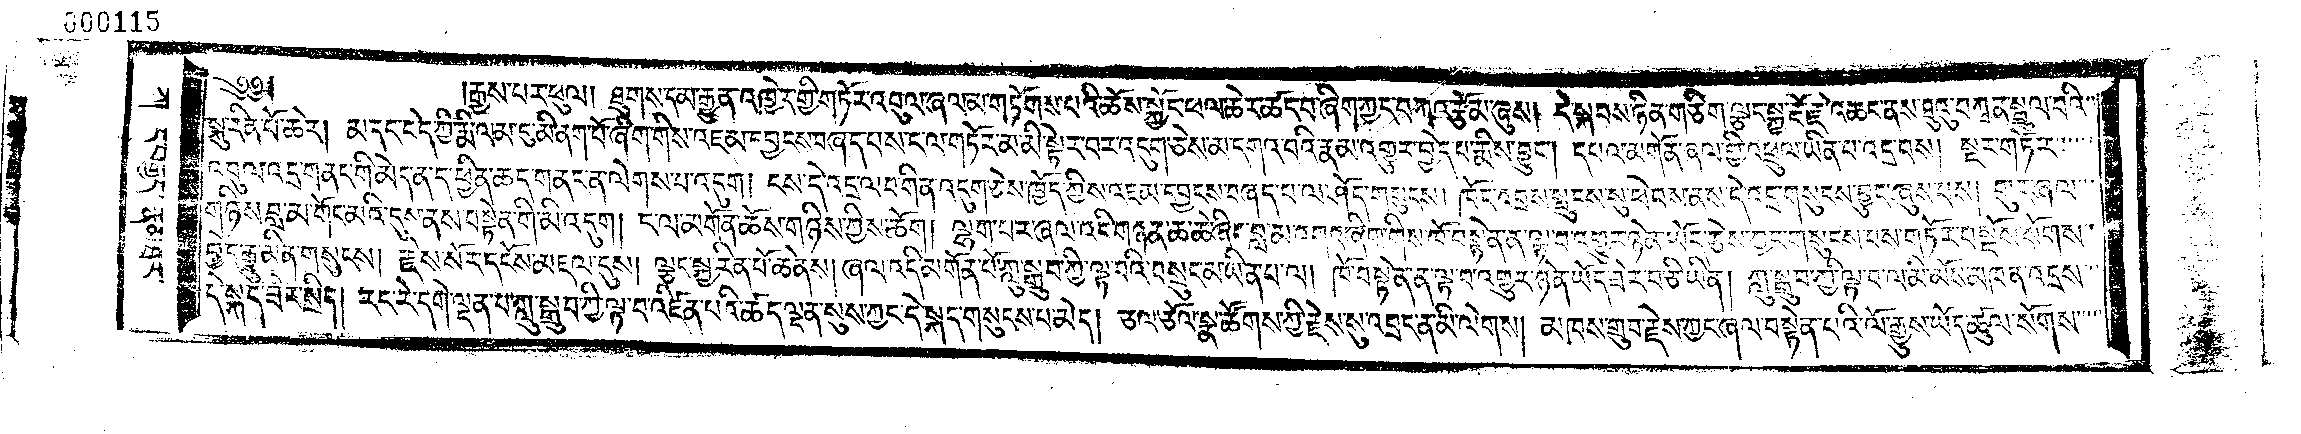༄༅། །རྒྱས་པར་ཕུལ། ཐུགས་དམ་རྒྱུན་འཁྱེར་གྱི་གཏོར་འབུལ་ཞལ་མ་གཏོགས་པའི་ཆོས་སྐྱོང་ཕལ་ཆེར་ཚང་བ་ཞིག་ཀྱང་བཀའ་རྩོམ་ཞུས། དེ་སྐབས་ཉིན་གཅིག་ལྕང་སྐྱ་རྡོ་རྗེ་འཆང་ནས་ཐུའུ་བཀྭན་སྤྲུལ་པའི་
སྐུ་རིན་པོ་ཆེར། མ་དང་ངེད་ཀྱི་རྨི་ལམ་དུ་མི་ནག་པོ་ཞིག་གིས་འཇམ་དབྱངས་བཞད་པས་ང་ལ་གཏོར་མ་མི་སྟེར་བར་འདུག་ཅེས་མ་དགའ་བའི་རྣམ་འགྱུར་བྱེད་པ་རྨིས་བྱུང་། དཔལ་མགོན་ཞལ་གྱི་འཕྲུལ་ཡིན་པ་འདྲ་བས། སྔར་གཏོར་
འབུལ་འདྲ་གནང་གི་མེད་ན་ད་ཕྱིན་ཆད་གནང་ན་ལེགས་པ་འདུག། ངས་དེ་འདྲ་ལབ་གིན་འདུག་ཅེས་ཁྱོད་ཀྱིས་འཇམ་དབྱངས་བཞད་པ་ལ་ཤོད་གསུངས། ཁོང་འབྲས་སྤུངས་སུ་ཕེབས་ནས་དེ་འདྲ་གསུངས་བྱུང་ཞུས་པས། གུར་ཞལ་
གཉིས་བླ་མ་གོང་མའི་དུས་ནས་བསྟེན་གི་མི་འདུག། ང་ལ་མགོན་ཆོས་གཉིས་ཀྱིས་ཆོག། ལྷག་པར་ཞལ་འདི་གཉན་ཆ་ཆེ་ཞིང་བླ་མ་འགའ་ཞིག་གིས་ཁོ་བསྟེན་ན་ལྟ་བ་འགྱུར་ཉེན་ཡོད་ཅེས་ཀྱང་གསུངས་པས་གཏོར་བསྔོས་སོགས་
བྱེད་རྒྱུ་མིན་གསུངས། རྗེས་སོར་དངོས་མཇལ་དུས། ལྕང་སྐྱ་རིན་པོ་ཆེ་ནས། ཞལ་འདི་མགོན་པོ་ཀླུ་སྒྲུབ་ཀྱི་ལྟ་བའི་བསྲུང་མ་ཡིན་པ་ལ། ཁོ་བསྟེན་ན་ལྟ་བ་འགྱུར་ཉེན་ཡོད་ཟེར་བ་ཅི་ཡིན། ཀླུ་སྒྲུབ་ཀྱི་ལྟ་བ་ལ་མི་མོས་མཁན་འདྲས་
དེ་སྐད་ཟེར་སྲིད། རང་རེ་དགེ་ལྡན་པ་ཀླུ་སྒྲུབ་ཀྱི་ལྟ་བ་འཛིན་པའི་ཚད་ལྡན་སུས་ཀྱང་དེ་སྐད་གསུངས་པ་མེད། ཅལ་ཅོལ་སྣ་ཚོགས་ཀྱི་རྗེས་སུ་འབྲང་ན་མི་ལེགས། མཁས་གྲུབ་རྗེས་ཀྱང་ཞལ་བསྟེན་པའི་ལོ་རྒྱུས་ཡོད་ཚུལ་སོགས་